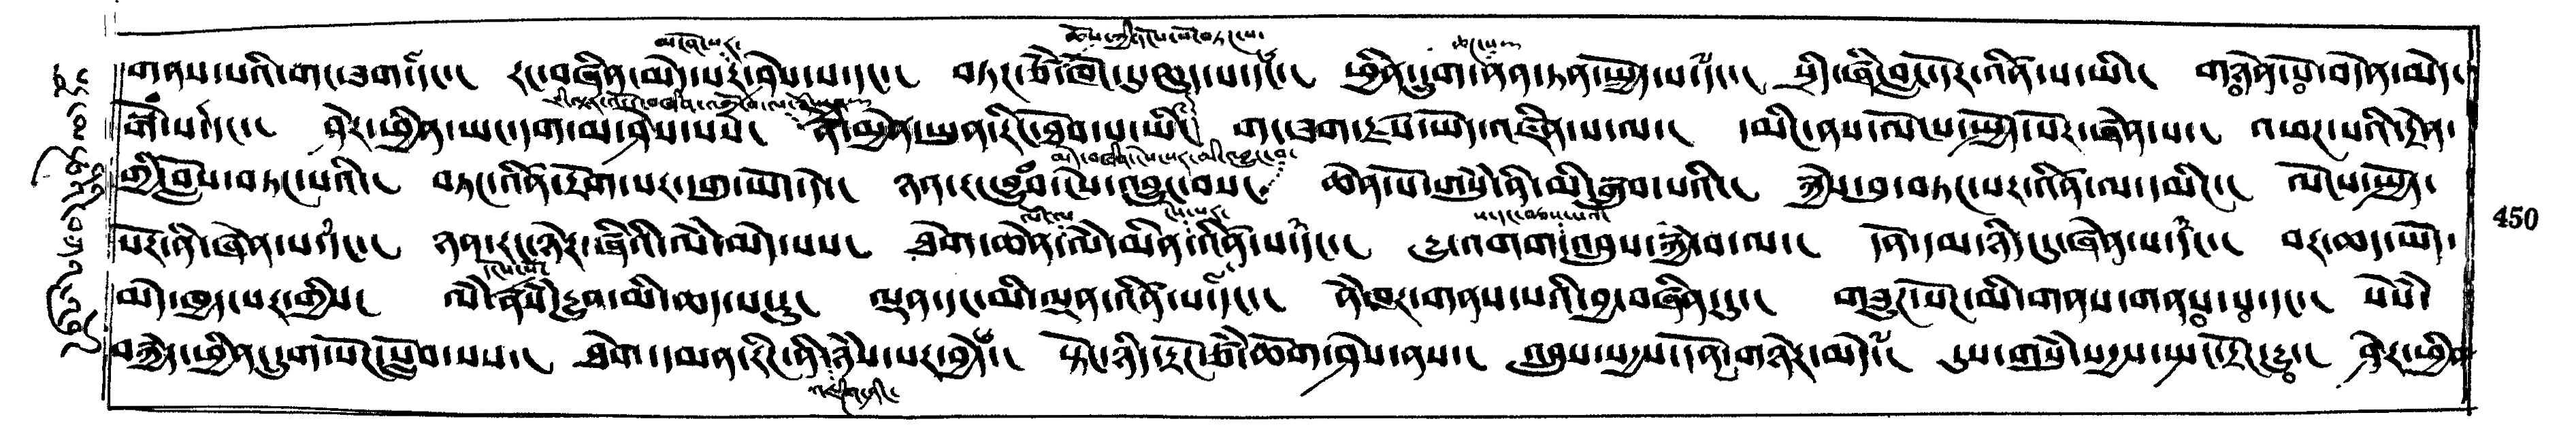གནས་པའི་གང་ཟག་དང་། །རང་བཞིན་མེད་པར་མངོན་པར་ཤེས་པ་དང་། །བཏགས་ཙམ་ཆོས་ཀྱི་དངོས་པོ་བཏགས་པ་ཁོང་དུ་ཆུད་པ་དང་། །ཕྱིན་དྲུག་ཆགས་པས་ནན་ཏན་སྤྱོད་པ་དང་། །སྲིད་ཞི་བླང་དོར་འཛིན་པ་ཡི། །གཉེན་པོ་བདེན་མེད་
སྒོམ་པ་དང་། །ཤེར་ཕྱིན་ཡང་དག་མ་ཤེས་པས།། ཇི་ལྟར་འདོད་བཞིན་འགྲོ་བ་ལ་ཉམས་ནས་རྣམ་མཁྱེན་ཡུན་རིང་ཐོབ་པ་ཡི། །གང་ཟག་རྫས་ཡོད་འཛིན་པ་ལ། །དམིགས་ནས་ལོངས་སྤྱོད་པོར་ཞེན་པ། །འཕགས་པའི་རྟེན་
གྱི་བློས་བཏགས་པའི། །བཏགས་འཛིན་རྟོག་པར་དགུ་ཡོད་དེ། །ཉན་རང་བྱང་ཆུབ་ངེས་འབྱུང་བས།། མེད་བཞིན་ངེས་པར་མི་འབྱུང་བ།ཆེན་པོ་གསུམ་ནི་མི་སྒྲུབ་པའི། །སྐྱེས་བུ་བཏགས་པར་འཛིན་ལ་དམིགས། །ལོངས་སྤྱོད་
པོར་ནི་ཞེན་པ་དང་། །ཉན་རང་ཉེར་ཞིའི་ལམ་མེད་པས། །ཐེག་ཆེན་ལམ་ལ་ལམ་མིན་ངེས་པར་འཛིན་པ་དང་། །རྒྱུ་འགག་ས་དང་བཅས་པའི་འབྲས་བུ་སྐྱེ་བ་ལ། །དོན་དམ་ཉིད་དུ་ཞེན་པ་དང་། །བར་ཆད་ཡོད་
མེད་ཁྱད་པར་གྱིས། །ལམ་རྣམས་དངོས་པོ་རྒྱུན་མི་ཆད་པ་རུ། །ལྡན་དང་མི་ལྡན་འཛིན་པ་དང་། །ནམ་མཁར་གནས་པའི་བྱ་བཞིན་དུ། །གཟུགས་སོགས་མི་གནས་གནས་པ་དང་། །སེམས་
བསྐྱེད་ཕྱིན་དྲུག་སོགས་སློབ་པས། །ཐེག་དམན་རིགས་ནི་འཇིགས་ཤིང་ཉམས་པར་བྱེད། །སྟོང་ཉིད་རྟོགས་ཙམ་ཆོག་ཤེས་ནས། །འབྲས་བུ་སངས་རྒྱས་དོན་གཉེར་མེད། །དུས་གསུམ་སངས་རྒྱས་སྤང་རྟོགས་རྒྱུ། །ཤེར་ཕྱིན་